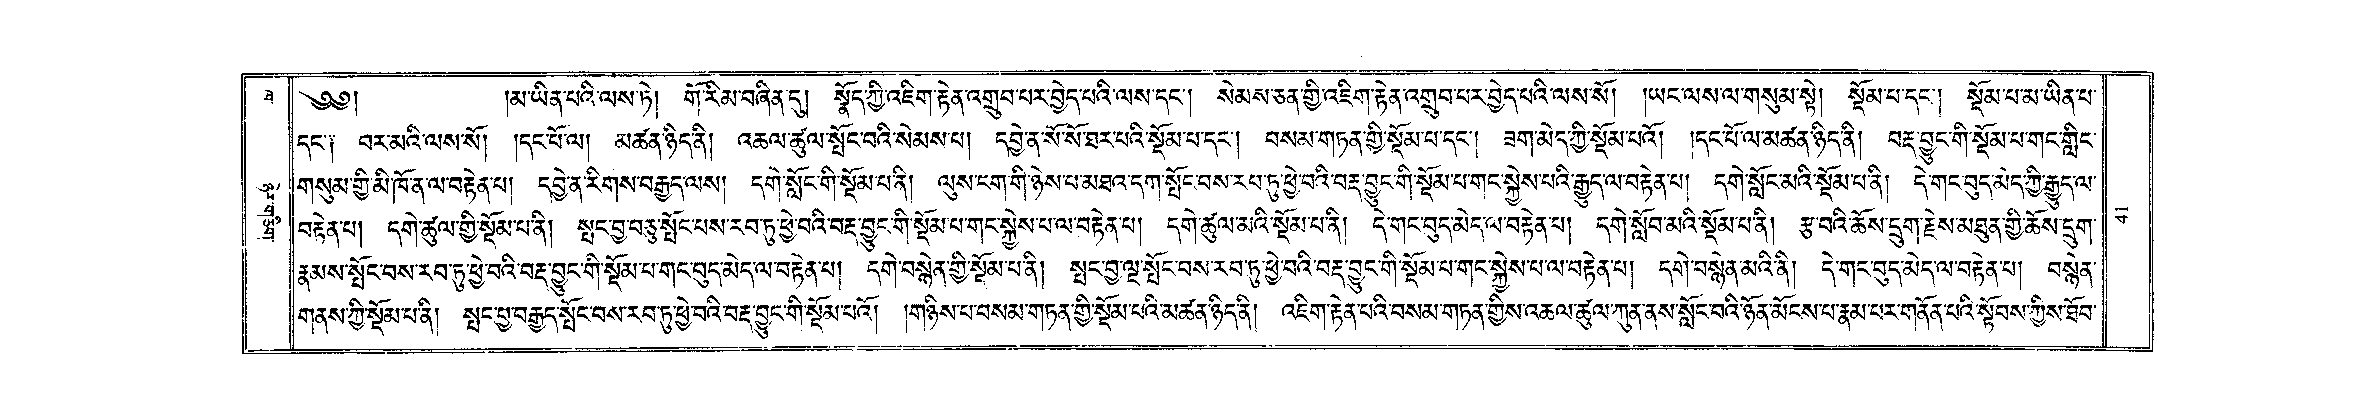༄༅། །མ་ཡིན་པའི་ལས་ཏེ། གོ་རིམ་བཞིན་དུ། སྣོད་ཀྱི་འཇིག་རྟེན་འགྲུབ་པར་བྱེད་པའི་ལས་དང་། སེམས་ཅན་གྱི་འཇིག་རྟེན་འགྲུབ་པར་བྱེད་པའི་ལས་སོ། །ཡང་ལས་ལ་གསུམ་སྟེ། སྡོམ་པ་དང་། སྡོམ་པ་མ་ཡིན་པ་
དང༑ བར་མའི་ལས་སོ། །དང་པོ་ལ། མཚན་ཉིད་ནི། འཆལ་ཚུལ་སྤོང་བའི་སེམས་པ། དབྱེ་ན་སོ་སོ་ཐར་པའི་སྡོམ་པ་དང་། བསམ་གཏན་གྱི་སྡོམ་པ་དང་། ཟག་མེད་ཀྱི་སྡོམ་པའོ། །དང་པོ་ལ་མཚན་ཉིད་ནི། བརྡ་བྱུང་གི་སྡོམ་པ་གང་གླིང་
གསུམ་གྱི་མི་ཁོ་ན་ལ་བརྟེན་པ། དབྱེ་ན་རིགས་བརྒྱད་ལས། དགེ་སློང་གི་སྡོམ་པ་ནི། ལུས་ངག་གི་ཉེས་པ་མཐའ་དག་སྤོང་བས་རབ་ཏུ་ཕྱེ་བའི་བརྡ་བྱུང་གི་སྡོམ་པ་གང་སྐྱེས་པའི་རྒྱུད་ལ་བརྟེན་པ། དགེ་སློང་མའི་སྡོམ་པ་ནི། དེ་གང་བུད་མེད་ཀྱི་རྒྱུད་ལ་
བརྟེན་པ། དགེ་ཚུལ་གྱི་སྡོམ་པ་ནི། སྤང་བྱ་བཅུ་སྤོང་པས་རབ་ཏུ་ཕྱེ་བའི་བརྡ་བྱུང་གི་སྡོམ་པ་གང་སྐྱེས་པ་ལ་བརྟེན་པ། དགེ་ཚུལ་མའི་སྡོམ་པ་ནི། དེ་གང་བུད་མེད་ལ་བརྟེན་པ། དགེ་སློབ་མའི་སྡོམ་པ་ནི། རྩ་བའི་ཆོས་དྲུག་རྗེས་མཐུན་གྱི་ཆོས་དྲུག་
རྣམས་སྤོང་བས་རབ་ཏུ་ཕྱེ་བའི་བརྡ་བྱུང་གི་སྡོམ་པ་གང་བུད་མེད་ལ་བརྟེན་པ། དགེ་བསྙེན་གྱི་སྡོམ་པ་ནི། སྤང་བྱ་ལྔ་སྤོང་བས་རབ་ཏུ་ཕྱེ་བའི་བརྡ་བྱུང་གི་སྡོམ་པ་གང་སྐྱེས་པ་ལ་བརྟེན་པ། དགེ་བསྙེན་མའི་ནི། དེ་གང་བུད་མེད་ལ་བརྟེན་པ། བསྙེན་
གནས་ཀྱི་སྡོམ་པ་ནི། སྤང་བྱ་བརྒྱད་སྤོང་བས་རབ་ཏུ་ཕྱེ་བའི་བརྡ་བྱུང་གི་སྡོམ་པའོ། །གཉིས་པ་བསམ་གཏན་གྱི་སྡོམ་པའི་མཚན་ཉིད་ནི། འཇིག་རྟེན་པའི་བསམ་གཏན་གྱིས་འཆལ་ཚུལ་ཀུན་ནས་སློང་བའི་ཉོན་མོངས་པ་རྣམ་པར་གནོན་པའི་སྟོབས་ཀྱིས་ཐོབ་